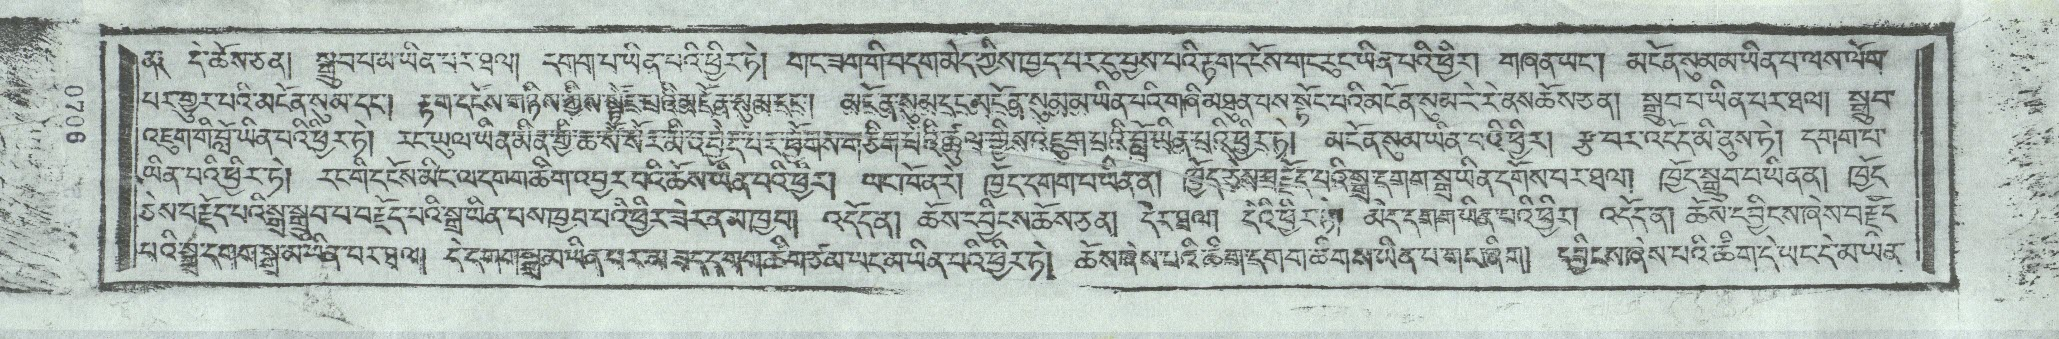ན༑ དེ་ཆོས་ཅན། སྒྲུབ་པ་མ་ཡིན་པར་ཐལ། དགག་པ་ཡིན་པའི་ཕྱིར་ཏེ། གང་ཟག་གི་བདག་མེད་ཀྱིས་ཁྱད་པར་དུ་བྱས་པའི་རྟག་དངོས་གང་རུང་ཡིན་པའི་ཕྱིར། གཞན་ཡང་། མངོན་སུམ་མ་ཡིན་པ་ལས་ལོག་
པར་གྱུར་པའི་མངོན་སུམ་དང་། རྟག་དངོས་གཉིས་ཀྱིས་སྟོང་པའི་མངོན་སུམ་དང་། མངོན་སུམ་དང་མངོན་སུམ་མ་ཡིན་པའི་གཞི་མཐུན་པས་སྟོང་པའི་མངོན་སུམ་རེ་རེ་ནས་ཆོས་ཅན། སྒྲུབ་པ་ཡིན་པར་ཐལ། སྒྲུབ་
འཇུག་གི་བློ་ཡིན་པའི་ཕྱིར་ཏེ། རང་ཡུལ་ཡིན་མིན་གྱི་ཆ་སོ་སོར་མི་འབྱེད་པར་ཕྱོགས་གཅིག་པའི་ཚུལ་གྱིས་འཇུག་པའི་བློ་ཡིན་པའི་ཕྱིར་ཏེ། མངོན་སུམ་ཡིན་པའི་ཕྱིར། རྩ་བར་འདོད་མི་ནུས་ཏེ། དགག་པ་
ཡིན་པའི་ཕྱིར་ཏེ། རང་གི་དངོས་མིང་ལ་དགག་ཚིག་འབྱར་བའི་ཆོས་ཡིན་པའི་ཕྱིར། ཡང་ཁོ་ན་རེ། ཁྱོད་དགག་པ་ཡིན་ན། ཁྱོད་ཅེས་བརྗོད་པའི་སྒྲ་དགག་སྒྲ་ཡིན་དགོས་པར་ཐལ། ཁྱོད་སྒྲུབ་པ་ཡིན་ན། ཁྱོད་
ཅེས་བརྗོད་པའི་སྒྲ་སྒྲུབ་པ་བརྗོད་པའི་སྒྲ་ཡིན་པས་ཁྱབ་པའི་ཕྱིར་ཟེར་ན་མ་ཁྱབ། འདོད་ན། ཆོས་དབྱིངས་ཆོས་ཅན། དེར་ཐལ། དེའི་ཕྱིར་ཏེ། མེད་དགག་ཡིན་པའི་ཕྱིར། འདོད་ན། ཆོས་དབྱིངས་ཞེས་བརྗོད་
པའི་སྒྲ་དགག་སྒྲ་མ་ཡིན་པར་ཐལ། དེ་དགག་སྒྲ་མ་ཡིན་པར་མ་ཟད་དགག་ཚིག་ཙམ་ཡང་མ་ཡིན་པའི་ཕྱིར་ཏེ། ཆོས་ཞེས་པའི་ཚིག་དགག་ཚིགས་ཡིན་པ་གང་ཞིག། དབྱིངས་ཞེས་པའི་ཚིག་དེ་ཡང་དེ་མ་ཡིན་